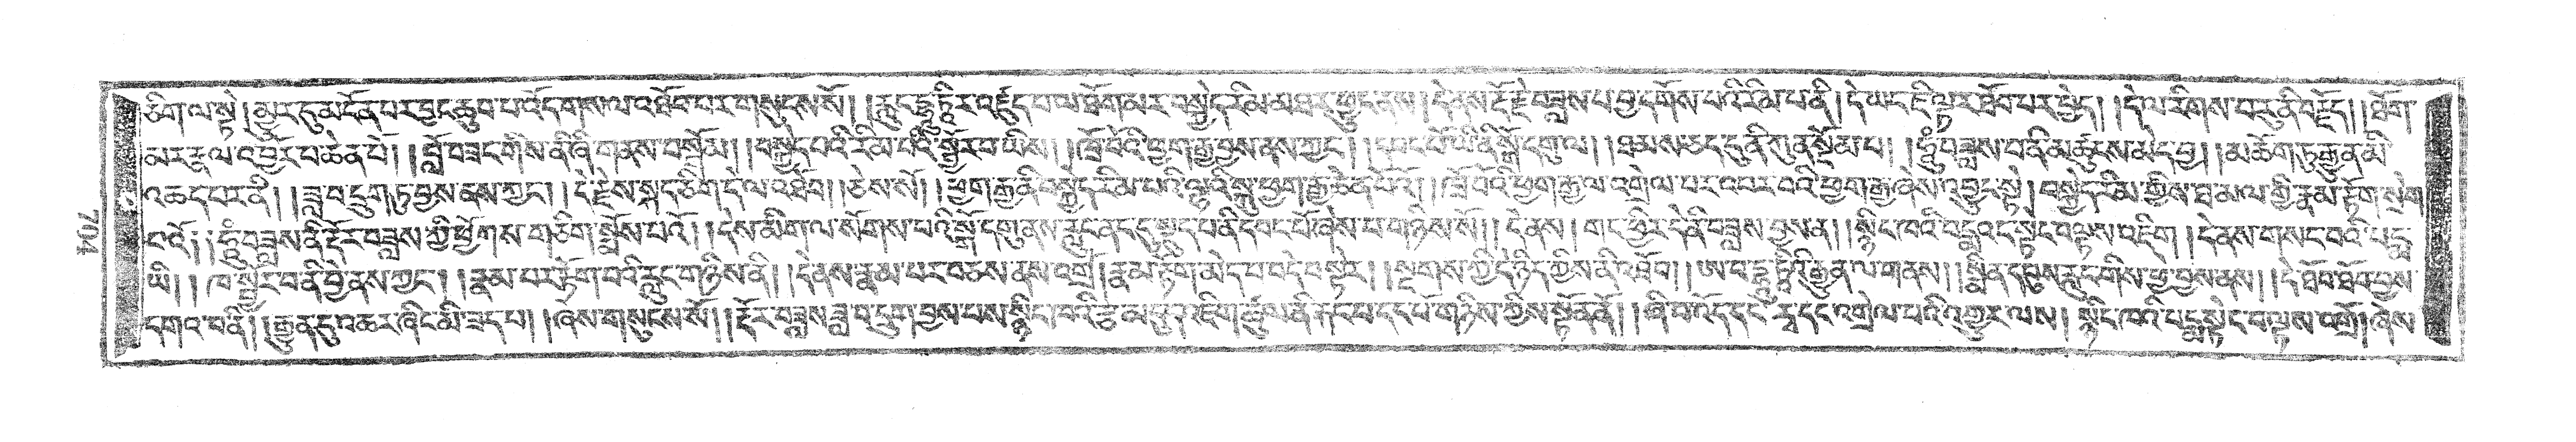ཅིག་ལ་སྟེ། མྱུར་དུ་མངོན་པར་བྱང་ཆུབ་པ་འོད་གསལ་འཐོབ་པར་གསུངས་སོ། །རླུང་དྷཱུ་ཏཱིར་འཇུད་པ་ལ་ཐོག་མར་བསྐྱེད་རིམ་མཐར་ཕྱུང་ནས། དེ་ནས་རྡོ་རྗེ་བཟླས་པ་བྱ་དགོས་པའི་རིམ་པ་ནི། དེ་ཡང་ཇི་ལྟར་ཐོབ་པར་བྱེད། །དེ་ལ་རིགས་པ་རུ་ནི་བརྗོད། །ཐོག་
མར་རྣལ་འབྱོར་པ་ཆེན་པོ། །བློ་བཟང་གིས་ནི་ཞི་གནས་བསྒོམ། །བསྐྱེད་པའི་རིམ་པའི་སྦྱོར་བ་ཡིས། །ཁྲོ་བོའི་ཕྱག་རྒྱ་བྱས་ནས་ཀྱང་། །དབང་པོ་ཡི་ནི་སྒོ་དགུ་ལ། །ཐམས་ཅད་དུ་ནི་ཀུན་སྡོམ་པ། །ཧཱུཾ་བཟླས་པ་ནི་མཚུངས་མེད་བྱ། །མཆོག་ཏུ་རྒྱུན་མི་
འཆད་པར་ནི། །ཟླ་བ་དྲུག་ཏུ་བྱས་ནས་ཀྱང་། །དེ་རྗེས་སྐད་ཅིག་དེ་ལ་འཐོབ། །ཅེས་སོ། །ཕྱག་རྒྱ་ནི་བསྐྱེད་རིམ་པའི་ལྷའི་སྐུ་ཕྱག་རྒྱ་ཆེན་པོའོ། །ཁྲོ་བོའི་ཕྱག་རྒྱ་ལ་འགྲེལ་པར་འབར་བའི་ཕྱག་རྒྱ་ཞེས་འབྱུང་སྟེ། བསྐྱེད་རིམ་གྱིས་ཐ་མལ་གྱི་རྣམ་རྟོག་སྲེག་
པའོ༑ ༑ཧཱུཾ་བཟླས་ནི་རྡོར་བཟླས་ཀྱི་ཕྱོགས་གཅིག་སྨོས་པའོ། །དེས་མིག་ལ་སོགས་པའི་སྒོ་དགུ་ནས་རླུང་ནང་དུ་སྡུད་པ་ནི་དབང་པོ་ཞེས་པ་གཉིས་སོ། །དེ་ནས། གང་ཕྱིར་དེ་ནི་བཟླས་བྱས་ན། །སྙིང་ཁའི་པདམའང་སྟེང་བལྟས་འཇིག །དེ་ནས་གསང་བའི་པདམ་
ཡི། །ཁ་སྦྱོར་བ་ནི་བྱ་ནས་ཀྱང་། །རྣམ་པར་རྟོག་པའི་རླུང་གཉིས་ནི། །དེ་ནས་རྣམ་པར་བཅས་ནས་འགྲོ། རྣམ་རྟོག་མེད་པ་བདེ་བ་སྟེར། །སྔགས་ཀྱི་དེ་ཉིད་ཀྱིས་ནི་འཐོབ། །ཨ་བ་དྷཱུ་ཏཱིའི་རྒྱུན་ལ་གནས། །སྨིན་དབུས་རླུང་གིས་ཕྱེ་བྱས་ནས། །དེ་ཐོབ་ཐོབ་བྱས་
དགའ་བ་ནི། །རྒྱུན་དུ་འཆར་ཞིང་མི་ཟད་པ། །ཞེས་གསུངས་སོ། །རྡོར་བཟླས་ཟླ་བ་དྲུག་བྱས་པས་སྙིང་ཁའི་རྩ་མདུད་འཇིག་ཚུལ་ནི་རྐང་པ་དང་པོ་གཉིས་ཀྱིས་སྟོན་ནོ། །ཞི་བ་འོད་དང་རྭ་དང་འགྲེལ་པའི་འགྱུར་ལས། སྙིང་ཁའི་པདམ་སྟེང་བལྟས་འགྲོ། ཞེས་